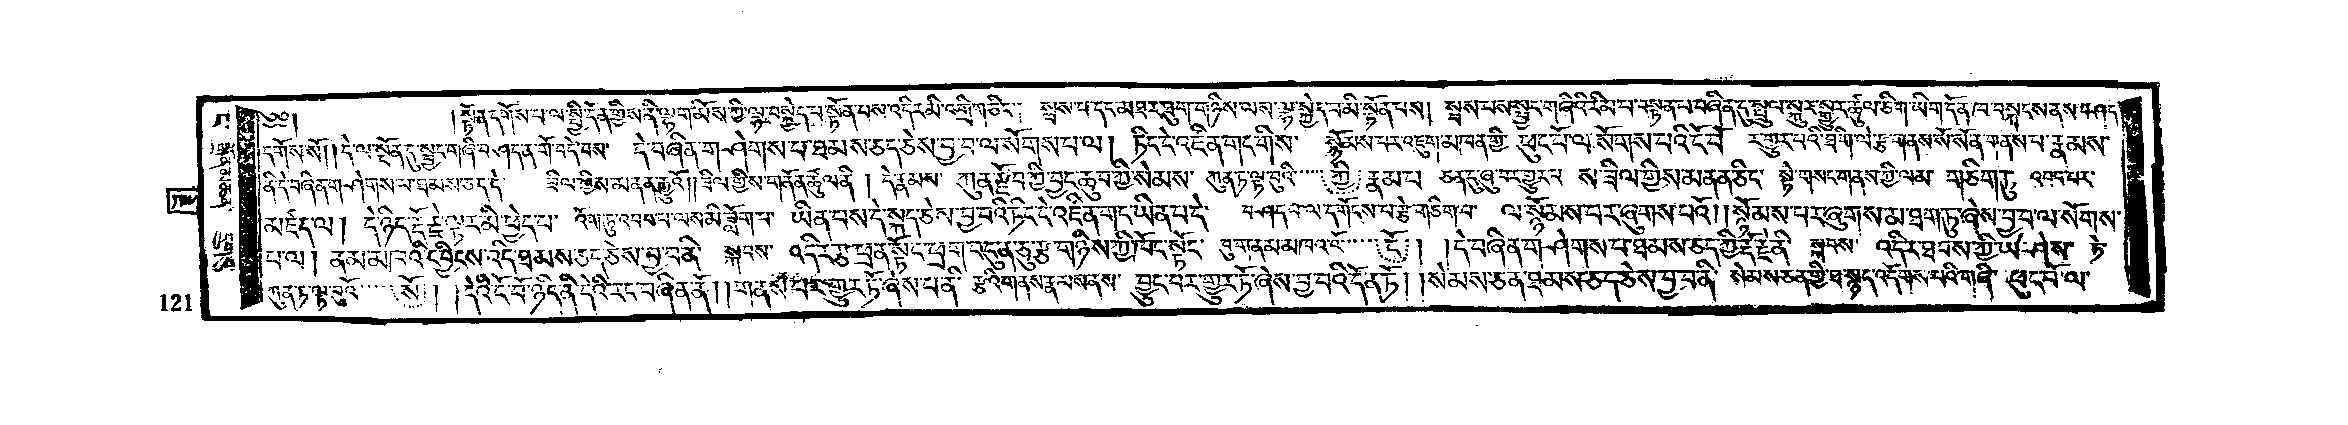༄༅། །སྟོན་དགོས་པ་ལ་སྤྱི་དོན་གྱིས་ནི་ལྷག་མོས་ཀྱི་ལྷ་བསྐྱེད་པ་སྟོན་པས་འདིར་མི་འགྲིག་ཅིང་། སྦས་པ་དང་མཐར་ཐུག་གཉིས་ལས་ལྷ་སྐྱེད་པ་མི་སྟོན་པས། སྦས་པས་སྦྱང་གཞིའི་རིམ་པ་བསྟན་པ་བཞིན་དུ་སྤྲུལ་སྐུར་སྒྱུར་ཚུལ་ཅིག་ཡིག་དོན་ཁ་བསྐངས་ནས་བཤད་
དགོས་སོ། །དེ་ལ་སྔོན་དུ་སྦྱང་གཞི་བཤད་ན་གོ་བདེ་བས་དེ་བཞིན་གཤེགས་པ་ཐམས་ཅད་ཅེས་བྱ་བ་ལ་སོགས་པ་ལ། ཏིང་ངེ་འཛིན་གང་གིས་སྙོམས་པར་འཇུག་མཁན་གྱི་ཕུང་པོ་ལ་སོགས་པའི་ངོ་བོར་གྱུར་པའི་ཐིག་ལེ་རྩ་གནས་སོ་སོ་ན་གནས་པ་རྣམས་
ནི་དེ་བཞིན་གཤེགས་པ་ཐམས་ཅད་དེ་ཟིལ་གྱིས་མནན་རྒྱུའོ། །ཟིལ་གྱིས་གནོན་ཚུལ་ནི། དེ་རྣམས་ཀུན་རྫོབ་ཀྱི་བྱང་ཆུབ་ཀྱི་སེམས་ཀུན་ཏ་ལྟ་བུའི་ཀྱི་རྣམ་པ་ཅན་དུ་ཞུ་བར་གྱུར་པ་ས་ཟིལ་གྱིས་གནན་ཅིང་སྟེ་གསང་གནས་ཀྱི་ལམ་གཅིག་ཏུ་འབབ་པར
མཛད་ལ། དེ་ཉིད་རྡོ་རྗེ་ལྟར་མི་ཕྱེད་པ་འོག་ཏུ་འབབ་པ་ལས་མི་ཟློག་པ་ཡིན་པས་དེ་སྐད་ཅེས་བྱ་བའི་ཏིང་ངེ་འཛིན་གང་ཡིན་པ་དེ་བཤད་པ་ལ་དགོངས་པ་རྩེ་གཅིག་པ་ལ་སྙོམས་པར་ཞུགས་པའོ། །སྙོམས་པར་ཞུགས་མ་ཐག་ཏུ་ཞེས་བྱ་བ་ལ་སོགས་
པ་ལ། ནམ་མཁའི་དབྱིངས་འདི་ཐམས་ཅད་ཅེས་བྱ་བ་ནི་སྐབས་འདིར་རྩ་ཕྲན་སྟོང་ཕྲག་བདུན་ཅུ་རྩ་གཉིས་ཀྱི་ཁོང་སྟོང་བུ་ག་ནམ་མཁའ་འོ་ངོ། །དེ་བཞིན་གཤེགས་པ་ཐམས་ཅད་ཀྱི་རྡོ་རྗེ་ནི་སྐབས་འདིར་ཐབས་ཀྱི་ཡེ་ཤེས་ཏེ་
ཀུན་ཏ་ལྟ་བུའོ་སོ། །དེའི་ངོ་བོ་ཉིད་ནི་དེའི་རང་བཞིན་ནོ། །གནས་པར་གྱུར་ཏོ་ཞེས་པ་ནི་རྩའི་གནས་རྣམས་ནས་བྱུང་བར་གྱུར་ཏོ་ཞེས་བྱ་བའི་དོན་ཏོ། །སེམས་ཅན་ཐམས་ཅད་ཅེས་བྱ་བ་ནི་སེམས་ཅན་གྱི་ཐ་སྙད་འདོགས་པའི་གཞི་ཕུང་པོ་ལ་